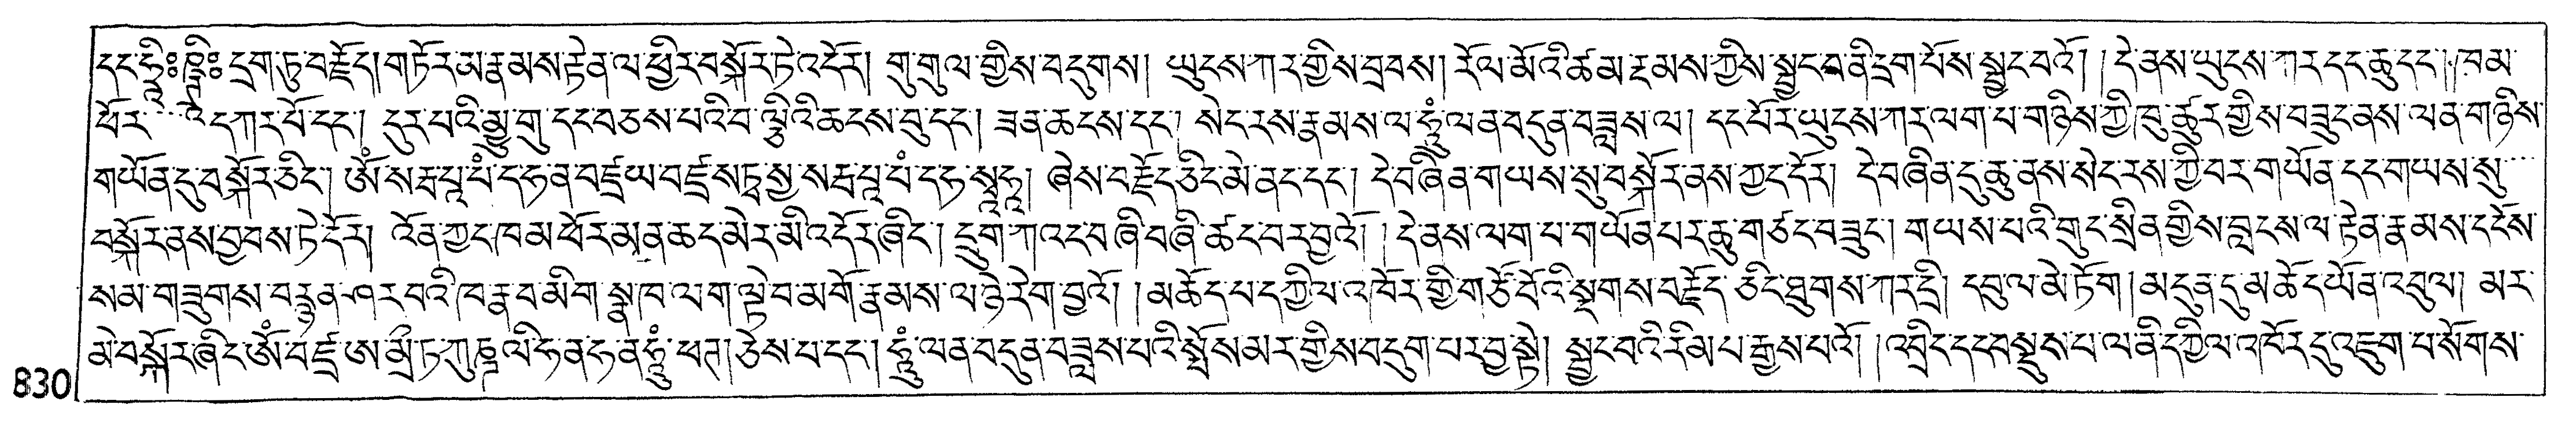དང་ཧྲཱིཿ ཥྚིཿ དྲག་ཏུ་བརྗོད། གཏོར་མ་རྣམས་རྟེན་ལ་ཕྱིར་བསྐོར་ཏེ་འདོར། གུ་གུལ་གྱིས་བདུགས། ཡུངས་ཀར་གྱིས་བྲབས། རོལ་མོའི་ཚམ་རྔམས་ཀྱིས་སྦྱང་བ་ནི་དྲག་པོས་སྦྱང་བའོ། །དེ་ནས་ཡུངས་ཀར་དང་ཆུ་དང་། ཁམ་
ཕོར་དཀར་པོ་དང་། དུར་པའི་མྱུ་གུ་དང་བཅས་པའི་བ་ལྕིའི་ཆངས་བུ་དང་། ཟན་ཆངས་དང་། སེང་རས་རྣམས་ལ་ཧཱུཾ་ལན་བདུན་བཟླས་ལ། དང་པོར་ཡུངས་ཀར་ལག་པ་གཉིས་ཀྱི་ཁུ་ཚུར་གྱིས་བཟུང་ནས་ལན་གཉིས་
གཡོན་དུ་བསྐོར་ཅིང་། ཨོཾ་སརྦ་པཱ་པཾ་ད་ཧ་ན་བཛྲ་ཡ་བཛྲ་ས་ཏྭ་སྱ་སརྦ་པཱ་པཾ་ད་ཧ་སྭཱཧཱ། ཞེས་བརྗོད་ཅིང་མེ་ནང་དང་། དེ་བཞིན་གཡས་སུ་བསྐོར་ནས་ཀྱང་དོར། དེ་བཞིན་དུ་ཆུ་ནས་སེང་རས་ཀྱི་བར་གཡོན་དང་གཡས་སུ་
བསྐོར་ནས་བྱབས་ཏེ་དོར། འོན་ཀྱང་ཁམ་ཕོར་མན་ཆད་མེར་མི་འདོར་ཞིང་། དྲུག་ཀའང་བཞི་བཞི་ཚང་བར་བྱའོ། །དེ་ནས་ལག་པ་གཡོན་པར་ཆུ་གཙང་བཟུང་། གཡས་པའི་གུང་སྲིན་གྱིས་བླངས་ལ་རྟེན་རྣམས་དངོས་
སམ་གཟུགས་བརྙན་ཤར་བའི་ཁ་རྣ་བ་མིག་སྣ་ཁ་ལག་ལྟེ་བ་མགོ་རྣམས་ལ་ཉེ་རེག་བྱའོ། །མཆོད་པ་དཀྱིལ་འཁོར་གྱི་གཙོ་བོའི་སྔགས་བརྗོད་ཅིང་ཐུགས་ཀར་དྲི། དབུ་ལ་མེ་ཏོག །མདུན་དུ་མཆོད་ཡོན་འབུལ། མར་
མེ་བསྐོར་ཞིང་ཨོཾ་བཛྲ་ཨ་མྲྀ་ཏ་ཀུཎྜ་ལི་ཧ་ན་ཧ་ན་ཧཱུཾ་ཕཊ། ཅེས་པ་དང་། ཧཱུཾ་ལན་བདུན་བཟླས་པའི་སྤོས་མར་གྱིས་བདུག་པར་བྱ་སྟེ། སྦྱང་བའི་རིམ་པ་རྒྱས་པའོ། །འབྲིང་དང་བསྡུས་པ་ལ་ནི་དཀྱིལ་འཁོར་དུ་འཇུག་པ་སོགས་